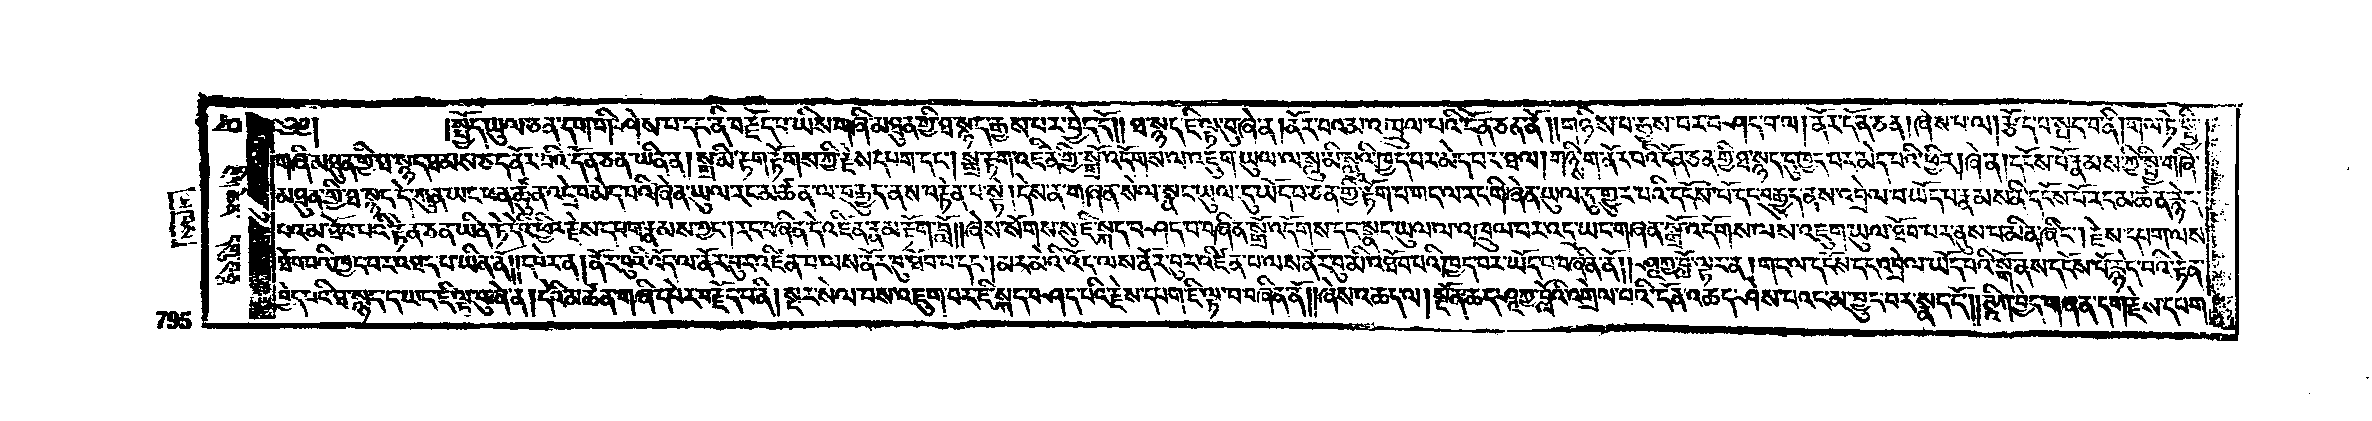༄༅། །སྤྱོད་ཡུལ་ཅན་དག་གི་ཤེས་པ་དང་ནི་བརྗོད་པ་ཡིས་གཞི་མཐུན་གྱི་ཐ་སྙད་རྒྱས་པར་བྱེད་དོ། །ཐ་སྙད་ཇི་ལྟ་བུ་ཞེ་ན། ནོར་བའམ་འཁྲུལ་པའི་དོན་ཅན་ནོ། །གཉིས་པ་རྒྱས་པར་བཤད་པ་ལ། ནོར་དོན་ཅན། ཞེས་པ་ལ། རྩོད་པ་སྤང་བ་ནི། གལ་ཏེ་སྤྱི་
གཞི་མཐུན་གྱི་ཐ་སྙད་ཐམས་ཅད་ནོར་བའི་དོན་ཅན་ཡིན་ན། སྒྲ་མི་རྟག་རྟོགས་ཀྱི་རྗེས་དཔག་དང་། སྒྲ་རྟག་འཛིན་གྱི་སྒྲོ་འདོགས་ལ་འཇུག་ཡུལ་ལ་སླུ་མི་སླུའི་ཁྱད་པར་མེད་པར་ཐལ། གཉིས་ག་ནོར་བའི་དོན་ཅན་གྱི་ཐ་སྙད་དུ་ཁྱད་པར་མེད་པའི་ཕྱིར། ཞེ་ན། དངོས་པོ་རྣམས་ཀྱི་སྤྱི་གཞི་
མཐུན་གྱི་ཐ་སྙད་དེ་ཀུན་ཡང་ཕན་ཚུན་འདྲེ་བ་མེད་པའི་ཞེན་ཡུལ་རང་མཚན་ལ་བརྒྱུད་ནས་བརྟེན་པ་སྟེ། དེས་ན་གཞན་སེལ་སྣང་ཡུལ་དུ་ཡོད་པ་ཅན་གྱི་རྟོག་པ་གང་ལ་རང་གི་ཞེན་ཡུལ་དུ་གྱུར་པའི་དངོས་པོ་དང་བརྒྱུད་ནས་འབྲེལ་བ་ཡོད་པ་རྣམས་ནི་དངོས་པོ་རང་མཚན་རྙེད་
པའམ་ཐོབ་པའི་རྟེན་ཅན་ཡིན་ཏེ་དེའི་ཕྱིར་རྗེས་དཔག་རྣམས་ཀྱང་། རང་བཞིན་དེ་འཛིན་རྣམ་རྟོག་བློ། །ཞེས་སོགས་སུ་ཇི་སྐད་བཤད་པ་བཞིན་སྒྲོ་འདོགས་དང་སྣང་ཡུལ་ལ་འཁྲུལ་བར་འདྲ་ཡང་གཞན་སྒྲོ་འདོགས་ལས་འཇུག་ཡུལ་ཐོབ་པར་ནུས་པ་མིན་ཞིང་། རྗེས་དཔག་ལས་
ཐོབ་པའི་ཁྱད་པར་འཐད་པ་ཡིན་ནོ། །དཔེར་ན། ནོར་བུའི་འོད་ལ་ནོར་བུར་འཛིན་པ་ལས་ནོར་བུ་ཐོབ་པ་དང་། མར་མེའི་འོད་ལས་ནོར་བུར་འཛིན་པ་ལས་ནོར་བུ་མི་འཐོབ་པའི་ཁྱད་པར་ཡོད་པ་བཞིན་ནོ། །ཤཱཀྱ་བློ་ལྟར་ན། གང་ལ་དངོས་དང་འབྲེལ་ཡོད་པའི་སྒོ་ནས་དངོས་པོ་རྙེད་པའི་རྟེན་
བྱེད་པའི་ཐ་སྙད་དེ་ཡང་ཇི་ལྟ་བུ་ཞེ་ན། དེའི་མཚན་གཞི་དཔེར་བརྗོད་པ་ནི། སྔར་སེལ་བས་འཇུག་པར་ཇི་སྐད་བཤད་པའི་རྗེས་དཔག་ཇི་ལྟ་བ་བཞིན་ནོ། །ཞེས་འཆད་ལ། སྔོན་ཆད་ཤཱཀྱ་བློའི་འགྲེལ་བའི་དོན་འཆད་ཤེས་པའང་མ་བྱུང་བར་སྣང་ངོ། །ཊཱིཀ་བྱེད་གཞན་དག་རྗེས་དཔག་